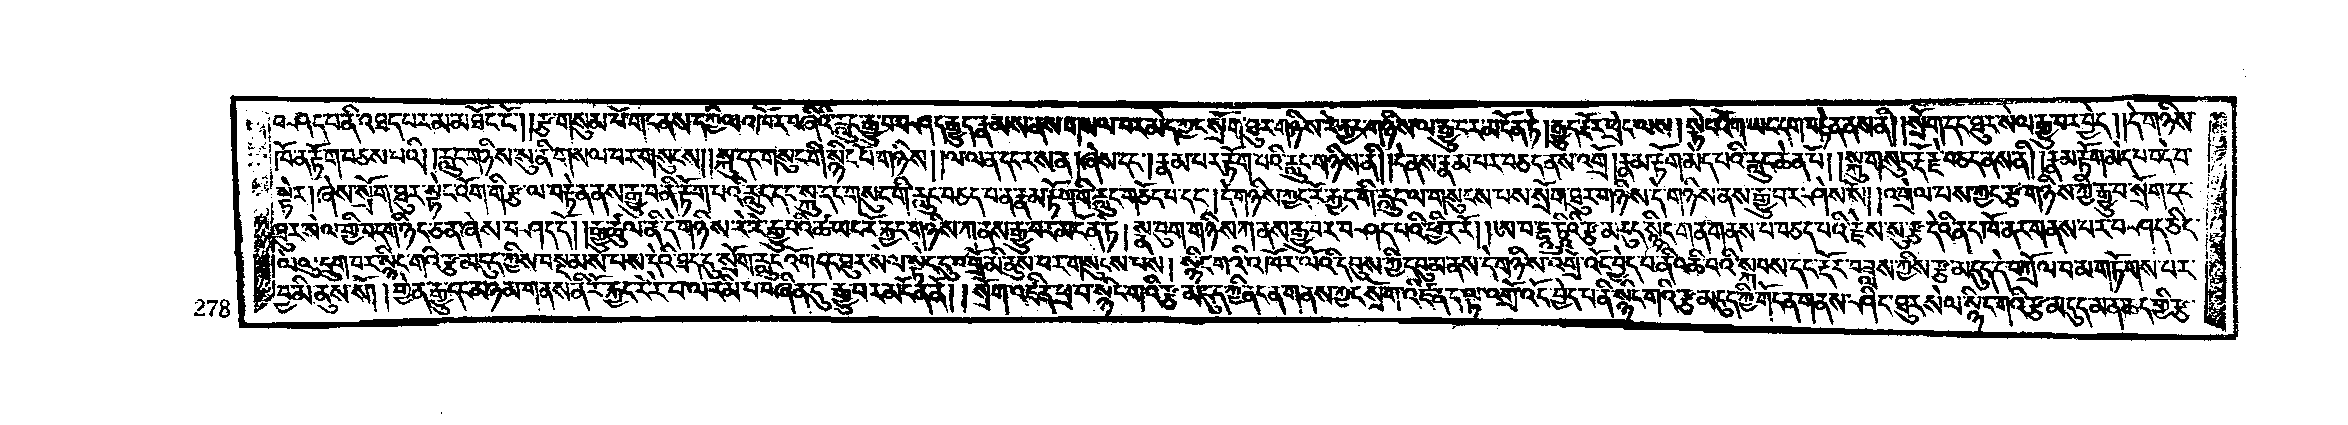བཤད་པ་ནི་འཐད་པར་མ་མཐོང་ངོ། །རྩ་གསུམ་པོ་གང་ནས་དཀྱིལ་འཁོར་བཞིའི་རླུང་རྒྱུ་བ་བཤད་རྒྱུད་རྣམས་ནས་གསལ་བར་མེད་ཀྱང་སྲོག་ཐུར་གཉིས་རེ་རྐྱང་གཉིས་ལ་རྒྱུ་ངར་མངོན་ཏེ། རྒྱུད་རྡོར་ཕྲེང་ལས། སྟེང་འོག་ཡང་དག་བརྟེན་ནས་ནི། །སྲོག་དང་ཐུར་སེལ་རྒྱུ་བར་བྱེད། །དེ་གཉིས་
ཁོ་ན་རྟོག་བཅས་པའི། །རླུང་གཉིས་སུ་ནི་གསལ་བར་གསུངས། །སྐུ་དང་གསུང་གི་སྙིང་པོ་གཉིས། །ལ་ལན་དང་ར་ས་ན། ཞེས་དང་། རྣམ་པར་རྟོག་པའི་རླུང་གཉིས་ནི། །དེ་ནས་རྣམ་པར་བཅད་ནས་འགྲོ། རྣམ་རྟོག་མེད་པའི་རླུང་ཆེན་པོ། །སྐུ་གསུང་རྡོ་རྗེ་བཅད་ནས་ནི། །རྣམ་རྟོག་མེད་པ་བདེ་བ་
སྟེར། ཞེས་སྲོག་ཐུར་སྟེང་འོག་གི་རྩ་ལ་བརྟེན་ནས་རྒྱུ་བ་ནི་རྟོག་པའི་རླུང་དང་སྐུ་དང་གསུང་གི་རླུང་བཅད་པ་ན་རྣམ་རྟོག་གི་རླུང་གཅོད་པ་དང་། དེ་གཉིས་ཀྱང་རོ་རྐྱང་གི་རླུང་ལ་གསུངས་པས་སྲོག་ཐུར་གཉིས་དེ་གཉིས་ནས་རྒྱུ་བར་ཤེས་སོ། །འགྲེལ་པས་ཀྱང་རྩ་གཉིས་ཀྱི་རྒྱུ་བ་སྲོག་དང་
ཐུར་སེལ་གྱི་བདག་ཉིད་ཅན་ཞེས་བཤད་དོ། །རྒྱུ་ཚུལ་ནི་དེ་གཉིས་རེ་རེ་རྒྱུ་བའི་ཚེ་ཡང་རོ་རྐྱང་གཉིས་ཀ་ནས་རྒྱུ་བར་མངོན་ཏེ། སྣ་བུག་གཉིས་ཀ་ནས་རྒྱུ་བར་བཤད་པའི་ཕྱིར་རོ། །ཨ་བ་དྷཱུ་ཏཱིའི་རྩ་མདུད་སྙིང་ག་ན་གནས་པ་བཅད་པའི་རྗེས་སུ་རྩ་དེའི་ནང་ཁོ་ནར་གནས་པར་བཤད་ཅིང་
ལེའུ་དྲུག་བར་སྙིང་གའི་རྩ་མདུད་ཀྱིས་བསྡམས་པས་དེའི་ཐད་དུ་སྲོག་རླུང་འོག་དང་ཐུར་སེལ་སྟེང་དུ་འགྲོ་མི་ནུས་པར་གསུངས་པས། སྙིང་གའི་འཁོར་ལོའི་དབུས་ཀྱི་དབུ་མ་ནས་དེ་གཉིས་འགྲོ་འོང་བྱེད་པ་ནི་འཆི་བའི་སྐབས་དང་རྡོར་བཟླས་ཀྱིས་རྩ་མདུད་དེ་བཀྲོལ་བ་མ་གཏོགས་པར་
བྱ་མི་ནུས་སོ། །གྱེན་རྒྱུ་དང་མཉམ་གནས་ནི་རོ་རྐྱང་རེ་རེ་པ་ལ་རིམ་པ་བཞིན་དུ་རྒྱུ་བར་མངོན་ནོ། །སྲོག་འཛིན་ཕྲ་བ་སྙིང་གའི་རྩ་མདུད་ཀྱི་ནང་ན་གནས་ཀྱང་སྲོག་འཛིན་ད་ལྟ་འགྲོ་འོད་བྱེད་པ་ནི་སྙིང་གའི་རྩ་མདུད་ཀྱི་གོང་ན་གནས་ཤིང་ཐུར་སེལ་སྙིང་གའི་རྩ་མདུད་མན་ཆད་ཀྱི་རྩ་